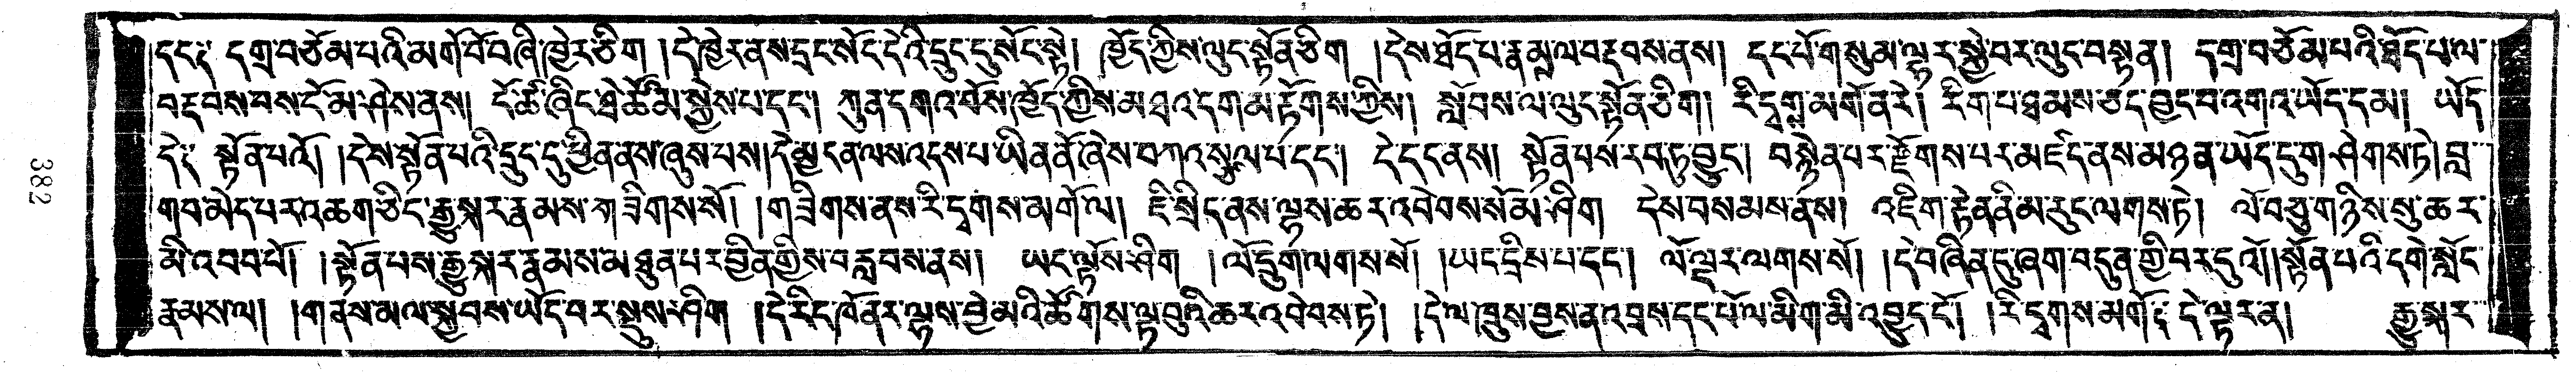དང༑ དགྲ་བཅོམ་པའི་མགོ་བོ་བཞི་ཁྱེར་ཅིག །དེ་ཁྱེར་ནས་དྲང་སོང་དེའི་དྲུང་དུ་སོང་སྟེ། ཁྱོད་ཀྱིས་ལུང་སྟོན་ཅིག །དེས་ཐོད་པ་རྣམས་ལ་བརྡབས་ནས། དང་པོ་གསུམ་ལྷར་སྐྱེ་བར་ལུང་བསྟན། དགྲ་བཅོམ་པའི་ཐོད་པ་ལ་
བརྡབས་བས་ངོ་མ་ཤེས་ནས། ངོ་ཚ་ཞིང་ཐེ་ཚོམ་སྐྱེས་པ་དང་། ཀུན་དགའ་བོས་ཁྱོད་ཀྱིས་མཐའ་དག་མ་རྟོགས་ཀྱིས། སློབས་ལ་ལུང་སྟོན་ཅིག། རི་དྭགས་མགོ་ན་རེ། རིག་པ་ཐམས་ཅད་བྱང་བ་འགའ་ཡོད་དམ། ཡོད་
དེ༑ སྟོན་པའོ། །དེས་སྟོན་པའི་དྲུང་དུ་ཕྱིན་ནས་ཞུགས་པས། དེ་མྱ་ངན་ལས་འདས་པ་ཡིན་ནོ་ཞེས་བཀའ་སྩལ་པ་དང་། དེ་དང་ནས། སྟོན་པས་རབ་ཏུ་བྱུང་། བསྙེན་པར་རྫོགས་པར་མཛད་ནས་མཉན་ཡོད་དུ་གཤེགས་ཏེ། བླ་
གབ་མེད་པར་འཆག་ཅིང་རྒྱུ་སྐར་རྣམས་གཟིགས་སོ། །གཟིགས་ནས་རི་དྭགས་མགོ་ལ། ཇི་སྲིད་ནས་ལྷས་ཆར་འབེབས་སོམ་ཤིག་དེས་བསམས་ནས། འཇིག་རྟེན་ནི་མ་རུང་ལགས་ཏེ། ལོ་བཅུ་གཉིས་སུ་ཆར་
མི་འབབ་པོ། །སྟོན་པས་རྒྱུ་སྐར་རྣམས་མཐུན་པར་བྱིན་གྱིས་བརླབས་ནས། ཡང་ལྟོས་ཤིག །ལོ་དྲུག་ལགས་སོ། །ཡང་དྲིས་པ་དང་། ལོ་ལྔར་ལགས་སོ། །དེ་བཞིན་དུ་ཞག་བདུན་གྱི་བར་དུའོ། །སྟོན་པའི་དགེ་སློང་
རྣམས་ལ། །གནས་མལ་སྐྱབས་ཡོད་པར་སྡུས་ཤིག །དེ་རིང་ཁོ་ནར་ལྷས་བྱེ་མའི་ཚོགས་ལྟ་བུའི་ཆར་འབེབས་ཏེ། །དེ་ལ་ཁྲུས་བྱས་ན་འབྲས་དང་པོ་ལ་མིག་མི་འབྱུང་ངོ། །རི་དྭགས་མགོ༑ དེ་ལྟར་ན། རྒྱུ་སྐར་